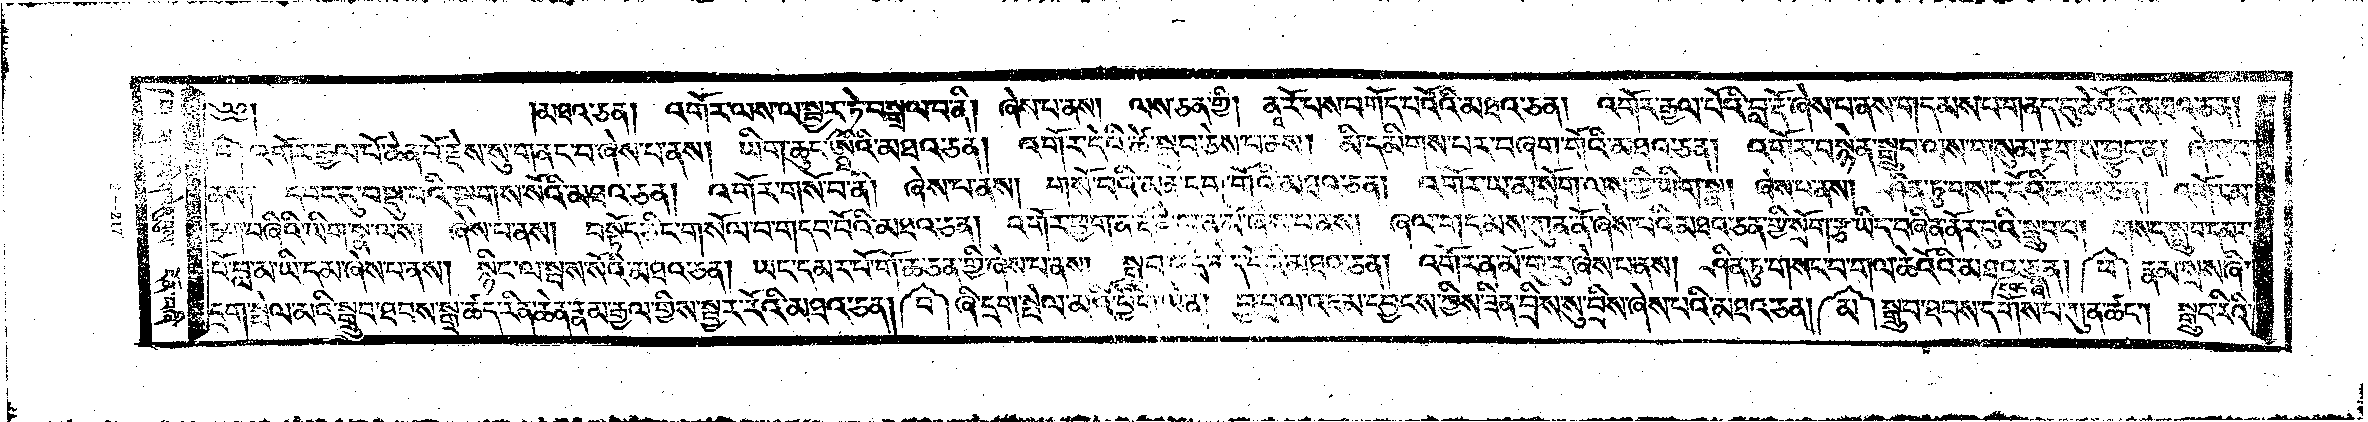༄༅། །མཐའ་ཅན། འགོར་ལས་ལ་སྦྱར་ཏེ་བསྒྲལ་པ་ནི། ཞེས་པ་ནས། ལས་ཅན་གྱི། ནཱ་རོ་པས་བགོད་པའོའི་མཐའ་ཅན། འགོར་རྒྱལ་པོའི་བླ་རྡོ་ཞེས་པ་ནས་གདམས་པ་གནད་དུ་ཆེའོའི་མཐའ་ཅན།
༼པ༽ འགོར་རྒྱལ་པོ་ཆེན་པོ་རྗེས་སུ་གནང་བ་ཞེས་པ་ནས། ཡིག་ཆུང་ཨྀཐིའི་མཐའ་ཅན། འགོར་དེའི་ཚེ་སྒྲུབ་ཅེས་པ་ནས། མི་དམིགས་པར་བཞག་གོའི་མཐའ་ཅན། འགོར་བསྙེན་སྒྲུབ་ལས་གསུམ་རྟགས་བྱུང་ན། ཞེས་པ་
ནས༑ དབང་དུ་བསྡུ་བའི་སྔགས་སོའི་མཐའ་ཅན། འགོར་གསོ་བ་ནི། ཞེས་པ་ནས། གསོ་བའི་མན་ངག་གོའི་མཐའ་ཅན། འགོར་ཡ་མ་སྲོག་ལས་ཀྱི་ཡིག་སྣ། ཞེས་པ་ནས། ཤིན་ཏུ་གསང་པོའི་མཐའ་ཅན། འགོར་མ་
ཏྲག་བཞིའི་ཡིག་སྣ་ལས། ཞེས་པ་ནས། བསྟོད་ཅིང་གསོལ་བ་གདབ་བོའི་མཐའ་ཅན། འགོར་ཕྱག་ན་རྡོ་རྗེ་ལ་ན་མོ་ཞེས་པ་ནས། ཞལ་གདམས་ཀུན་ནོ་ཞེས་པའི་མཐའ་ཅན་གྱི་སྲོག་རྩ་ཡིད་བཞིན་ནོར་བུའི་སྒྲུབ་པ། གསང་སྒྲུབ་དམར་
པོ་བླ་མ་ཡི་དམ་ཞེས་པ་ནས། སྙིང་ལ་སྦས་སོའི་མཐའ་ཅན། ཡང་དམར་པོ་གོ་ཆ་ཅན་གྱི་ཞེས་པ་ནས། སྒྲུབ་འདྲེ་མེད་དོའི་མཐའ་ཅན། འགོར་ན་མོ་གུ་རུ་ཞེས་པ་ནས། ཤིན་ཏུ་གསང་བ་གལ་ཆེའོའི་མཐའ་ཅན། ༼ཕ༽ རྣམ་སྲས་ཞི་
དྲག་སྤེལ་མའི་སྒྲུབ་ཐབས་སྒྲ་ཚད་རིན་ཆེན་རྣམ་རྒྱལ་གྱིས་སྦྱར་རོའི་མཐའ་ཅན། ༼བ༽ ཞི་དྲག་སྤེལ་མའི་ཕྱག་ལེན། བྱ་བྲལ་འཇམ་དབྱངས་གྱིས་ཟིན་བྲིས་སུ་བྲིས་ཞེས་པའི་མཐའ་ཅན། ༼མ༽ སྒྲུབ་ཐབས་དགོས་པ་ཀུན་ཚང་། སྒྲུབ་རིའི་